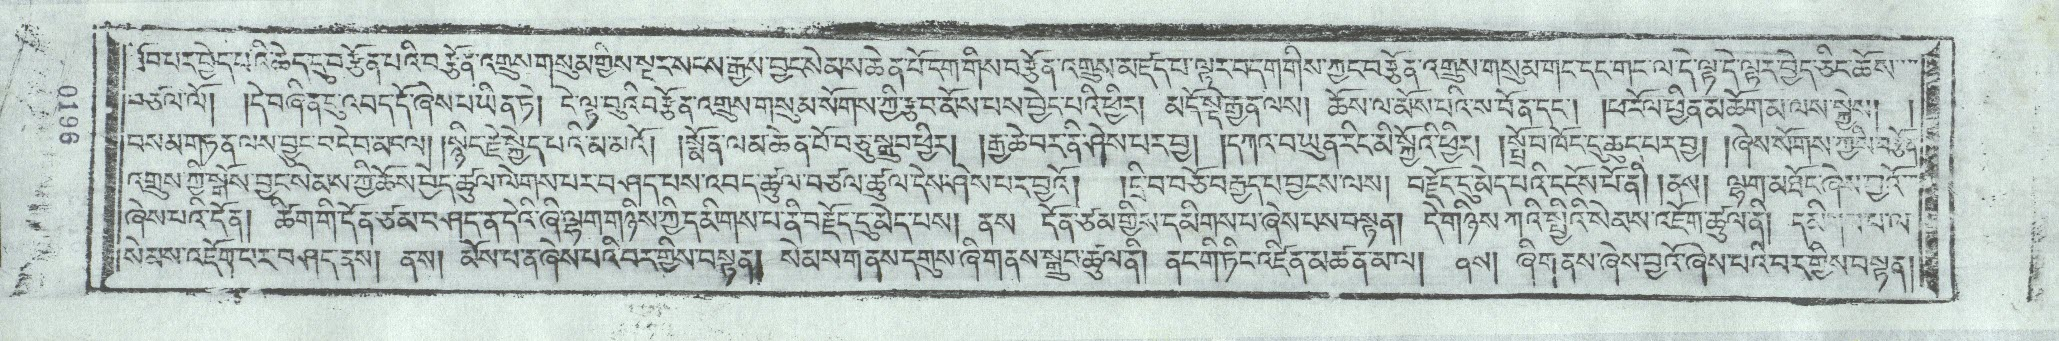ཐོབ་པར་བྱེད་པའི་ཆེད་དུ་བརྩོན་པའི་བརྩོན་འགྲུས་གསུམ་གྱིས་སྔར་སངས་རྒྱས་བྱང་སེམས་ཆེན་པོ་དག་གིས་བརྩོན་འགྲུས་མཛད་པ་ལྟར་བདག་གིས་ཀྱང་བརྩོན་འགྲུས་གསུམ་གང་དང་གང་ལ་དེ་ལྟ་དེ་ལྟར་བྱེད་ཅིང་ཆོས་
བཙལ་ལོ། །དེ་བཞིན་དུ་འབད་དོ་ཞེས་པ་ཡིན་ཏེ། དེ་ལྟ་བུའི་བརྩོན་འགྲུས་གསུམ་སོགས་ཀྱི་རྩ་བ་མོས་པས་བྱེད་པའི་ཕྱིར། མདོ་སྡེ་རྒྱན་ལས། ཆོས་ལ་མོས་པའི་ས་བོན་དང་། །ཕ་རོལ་ཕྱིན་མཆོག་མ་ལས་སྐྱེས། །
བསམ་གཏན་ལས་བྱུང་བདེ་བ་མངལ། །སྙིང་རྗེ་སྐྱེད་པའི་མ་མའོ། །སྨོན་ལམ་ཆེན་པོ་བཅུ་སྒྲུབ་ཕྱིར། །རྒྱ་ཆེ་བར་ནི་ཤེས་པར་བྱ། །དཀའ་བ་ཡུན་རིང་མི་སྐྱོའི་ཕྱིར། །སྤྲོ་བ་ཁོང་དུ་ཆུད་པར་བྱ། །ཞེས་སོགས་ཀྱིས་བརྩོན་
འགྲུས་ཀྱི་སྒོས་བྱང་སེམས་ཀྱི་ཆོས་བྱེད་ཚུལ་ལེགས་པར་བཤད་པས་འབད་ཚུལ་བཙལ་ཚུལ་དེས་ཤེས་པར་བྱའོ། །དྲི་བ་བཅོ་བརྒྱད་པ་བྱངས་ལས། བརྗོད་དུ་མེད་པའི་དངོས་པོ་ནི། །ནས། ལྷག་མཐོང་ཞེས་བྱའོ་
ཞེས་པའི་དོན། ཚིག་གི་དོན་ཙམ་བཤད་ན་དེའི་ཞི་ལྷག་གཉིས་ཀྱི་དམིགས་པ་ནི་བརྗོད་དུ་མེད་པས། ནས་དོན་ཙམ་གྱིས་དམིགས་པ་ཞེས་པས་བསྟན། དེ་གཉིས་ཀའི་སྤྱིའི་སེམས་འཇོག་ཚུལ་ནི། དམིགས་པ་ལ་
སེམས་འཇོག་པར་བཤད་ནས། ནས། མོས་པ་ན་ཞེས་པའི་བར་གྱིས་བསྟན། སེམས་གནས་དགུས་ཞི་གནས་སྒྲུབ་ཚུལ་ནི། ནང་གི་ཏིང་འཛིན་མཚན་མ་ལ། ནས། ཞི་གནས་ཞེས་བྱའོ་ཞེས་པའི་བར་གྱིས་བསྟན།